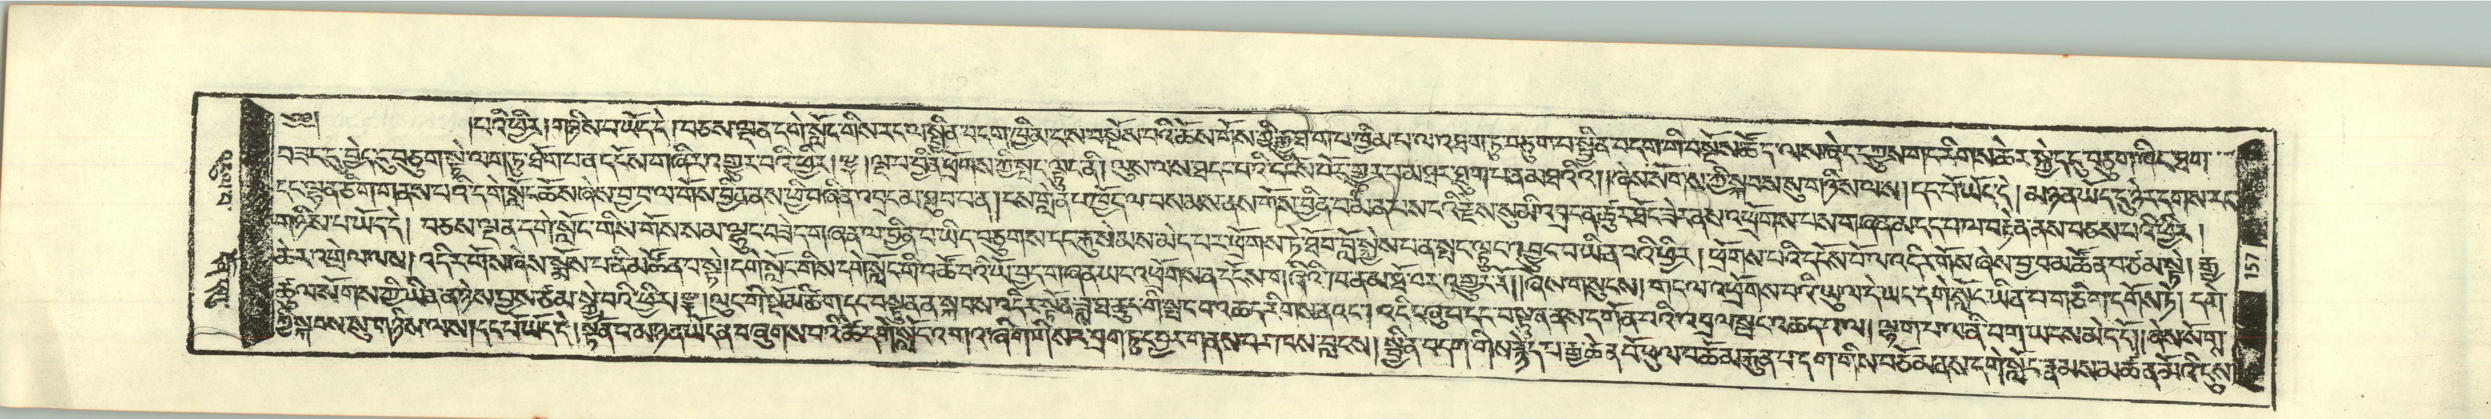༄༅། །པའི་ཕྱིར། གཉིས་པ་ཡོད་དེ། བཅས་ལྡན་དགེ་སློང་གིས་རང་ལ་སྦྱིན་བདག་ཁྱིམ་པས་བསྔོས་པའི་ཆོས་གོས་ཀྱི་རྒྱུ་ཐ་ག་པ་ཁྱིམ་པ་ལ་འཐག་ཏུ་བཅུག་པ་སྦྱིན་བདག་གི་བསྔོས་ཚོད་ལས་ཞེང་དཀྱུས་གང་རིགས་ཆེར་སྐྱེད་དུ་བཅུག་ཞིང་ཐག་
བཟང་དུ་བྱེད་དུ་བཅུག་སྟེ་ལག་ཏུ་ཐོག་པ་ན་དངོས་གཞིར་འགྱུར་བའི་ཕྱིར། ༈ །ལྔ་པ་བྱིན་ཕྲོགས་ཀྱི་སྤང་ལྟུང་ནི། ལུས་ལས་ཐ་དང་པའི་དངོས་པོར་གྱུར་པ་མཐར་ཐུག་པ་ན་མཐའ་འི། །ཞེས་སོགས་ཀྱི་སྐབས་སུ་གཉིས་ལས། དང་པོ་ཡོད་དེ། མཉན་ཡོད་དུ་ཉེར་དགས་རང་
དང་ལྷན་ཅིག་གནས་པའི་དགེ་སློང་ཆོས་ཞེས་བྱ་བ་ལ་གོས་བྱིན་ནས་ཕྱི་བཞིན་འབྲང་མ་ཐུབ་པ་ན། ངས་གླེན་པ་ཁྱོད་ལ་བསམས་ནས་གོས་བྱིན་པ་མིན་པས་ངའི་རྗེས་སུ་མི་འབྲང་ན་ཚུར་ཐོང་ཟེར་ནས་འཕྲོགས་པས་གཞན་མ་དད་པ་ལ་བརྟེན་ནས་བཅས་པའི་ཕྱིར།
གཉིས་པ་ཡོད་དེ། བཅས་ལྡན་དགེ་སློང་གིས་གོས་སམ་ལྷུང་བཟེད་གཞན་ལ་བྱིན་པ་ཡིད་བཅུགས་དང་རྐུ་སེམས་མེད་པར་ཕྲོགས་ཏེ་ཐོབ་བློ་སྐྱེས་པ་ན་སྤང་ལྟུང་འབྱུང་བ་ཡིན་པའི་ཕྱིར། ཕྲོགས་པའི་དངོས་པོ་ལ་འདིར་གོས་ཞེས་བྱ་བ་མཚོན་བ་ཙམ་སྟེ། རྒྱ་
ཆེར་འགྲེལ་ལས། འདིར་གོས་ཞེས་སྨོས་པ་ནི་མཚོན་པ་སྟེ། དགེ་སློང་གིས་དགེ་སློང་གི་འཚོ་བའི་ཡོ་བྱད་གཞན་ཡང་འཕྲོགས་ན་དངོས་གཞིའི་ཁ་ན་མ་ཐོ་བར་འགྱུར་རོ། །ཞེས་གསུངས། གང་ལ་འཕྲོགས་པའི་ཡུལ་དེ་ཡང་དགེ་སློང་ཡིན་པ་གཅིག་དགོས་ཏེ། དགེ་
ཚུལ་སོགས་ཀྱི་ཡིན་ན་ཉེས་བྱས་ཙམ་སྐྱེ་བའི་ཕྱིར། ༈ །ལུང་གི་སྔོ་མ་ཚིག་དང་བསྟུན་ན་སྐབས་འདིར་སྟོན་ཟླ་ཐ་ཆུང་གི་སྤང་བ་འཆད་རིགས་ནའང་། འདིར་ཞུ་བ་དང་བསྟུན་ནས་དགོན་པའི་འབྲལ་སྤང་འཆད་པ་ལ། ལྷག་པ་ལ་ནི་བག་ཡངས་མེད་དོ། །ཞེས་སོགས་
ཀྱི་སྐབས་སུ་གཉིས་ལས། དང་པོ་ཡོད་དེ། སྟོན་པ་མཉན་ཡོད་ན་བཞུགས་པའི་ཚེ་དགེ་སློང་འགའ་ཞིག་གི་སར་བྲག་ཏུ་དབྱར་གནས་བར་ཁས་བླངས། སྦྱིན་བདག་གིས་རྙེད་པ་རྒྱ་ཆེན་པོ་ཕུལ་བ་ཆོམ་རྐུན་པ་དག་གིས་བཅོམ་ནས་དགེ་སློང་རྣམས་མཚན་མོའི་དུས་